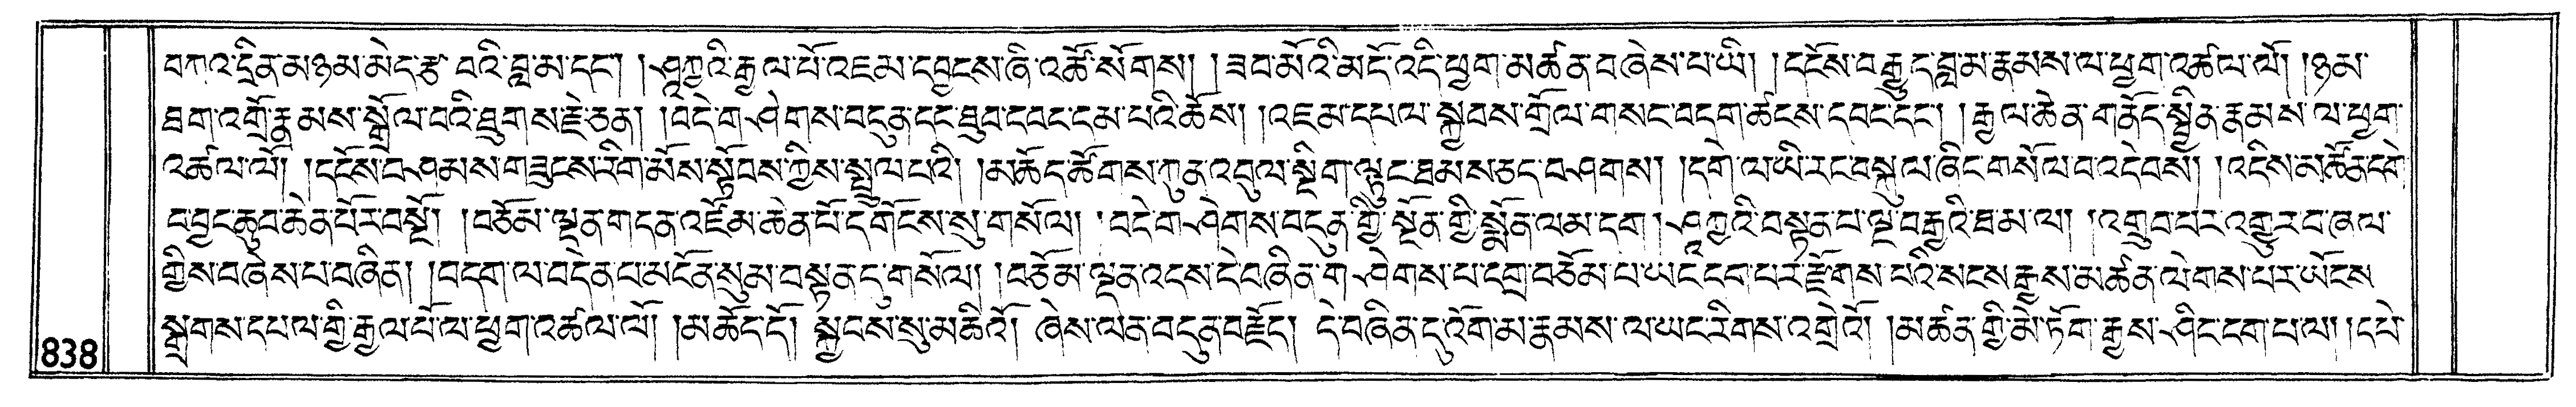བཀའ་དྲིན་མཉམ་མེད་རྩ་བའི་བླ་མ་དང་། །ཤཱཀྱའི་རྒྱལ་པོ་འཇམ་དབྱངས་ཞི་འཚོ་སོགས། །ཟབ་མོའི་མདོ་འདི་ཕྱག་མཚན་བཞེས་པ་ཡི། །དངོས་བརྒྱུད་བླ་མ་རྣམས་ལ་ཕྱག་འཚལ་ལོ། །ཉམ་
ཐག་འགྲོ་རྣམས་སྒྲོལ་བའི་ཐུགས་རྗེ་ཅན། །བདེ་གཤེགས་བདུན་དང་ཐུབ་དབང་དམ་པའི་ཆོས། །འཇམ་དཔལ་སྐྱབས་གྲོལ་གསང་བདག་ཚངས་དབང་དང་། །རྒྱལ་ཆེན་གནོད་སྦྱིན་རྣམས་ལ་ཕྱག་
འཚལ་ལོ། །དངོས་བཤམས་གཟུངས་རིག་མོས་སྟོབས་ཀྱིས་སྤྲུལ་པའི། །མཆོད་ཚོགས་ཀུན་འབུལ་སྡིག་ལྟུང་ཐམས་ཅད་བཤགས། །དགེ་ལ་ཡི་རང་བསྐུལ་ཞིང་གསོལ་བ་འདེབས། །འདིས་མཚོན་དགེ་
བ་བྱང་ཆུབ་ཆེན་པོར་བསྔོ། །བཅོམ་ལྡན་གདན་འཛོམ་ཆེན་པོ་དགོངས་སུ་གསོལ། །བདེ་གཤེགས་བདུན་གྱི་སྔོན་གྱི་སྨོན་ལམ་དག །ཤཱཀྱའི་བསྟན་པ་ལྔ་བརྒྱའི་ཐ་མ་ལ། །འགྲུབ་པར་འགྱུར་བ་ཞལ་
གྱིས་བཞེས་པ་བཞིན། །བདག་ལ་བདེན་པ་མངོན་སུམ་བསྟན་དུ་གསོལ། །བཅོམ་ལྡན་འདས་དེ་བཞིན་གཤེགས་པ་དགྲ་བཅོམ་པ་ཡང་དག་པར་རྫོགས་པའི་སངས་རྒྱས་མཚན་ལེགས་པར་ཡོངས་
སྒྲགས་དཔལ་གྱི་རྒྱལ་པོ་ལ་ཕྱག་འཚལ་ལོ། །མཆོད་དོ། སྐྱབས་སུ་མཆིའོ། ཞེས་ལན་བདུན་བརྗོད། དེ་བཞིན་དུ་འོག་མ་རྣམས་ལ་ཡང་རིགས་འགྲེའོ། །མཚན་གྱི་མེ་ཏོག་རྒྱས་ཤིང་དག་པ་ལ། །དཔེ་